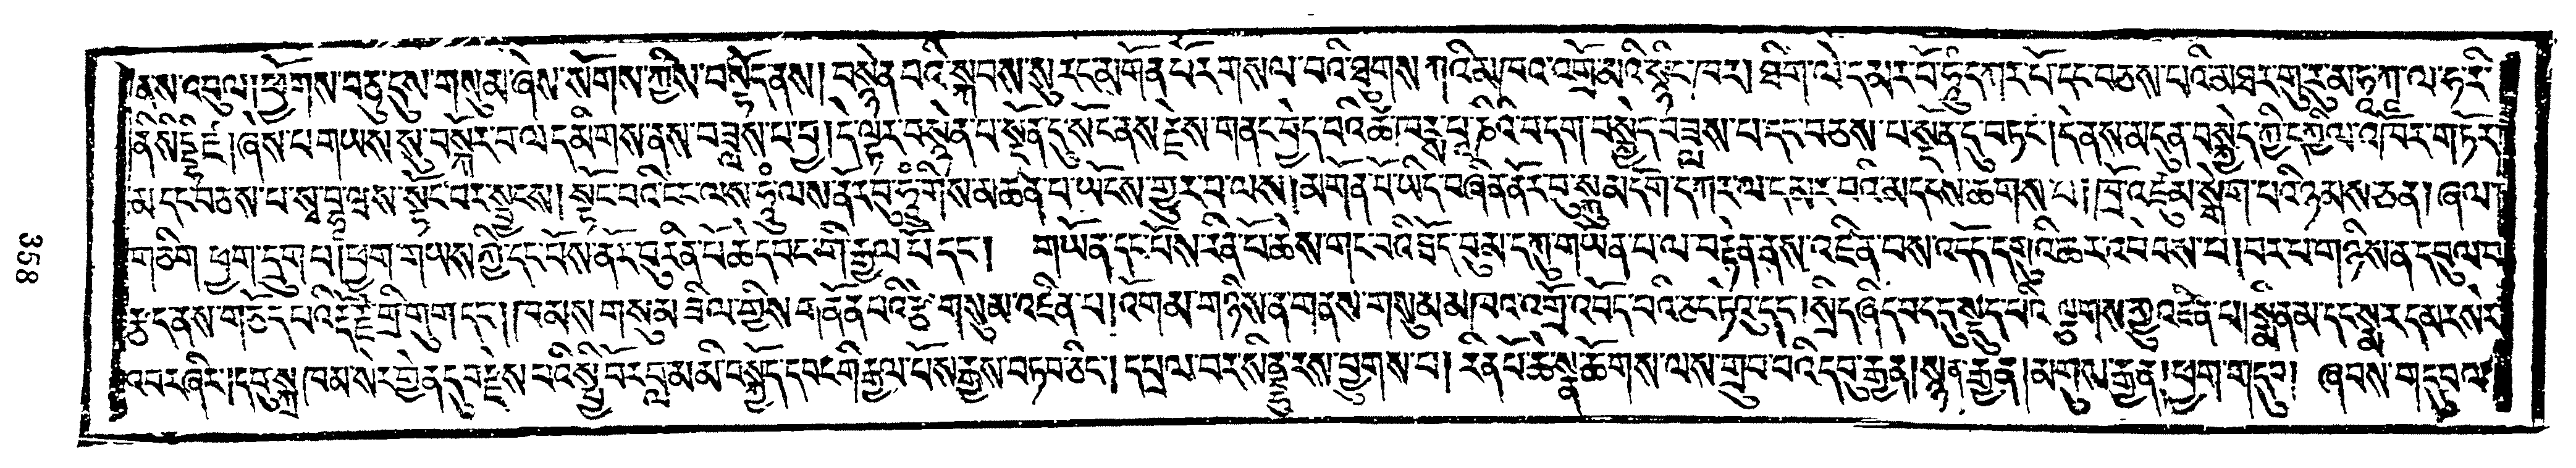ནས་འབུལ། ཕྱོགས་བཅུ་དུས་གསུམ་ཞེས་སོགས་ཀྱིས་བསྟོད་ནས། བསྙེན་བའི་སྐབས་སུ་རང་མགོན་པོར་གསལ་བའི་ཐུགས་ཀའི་མཁའ་འགྲོ་མའི་སྙིང་ཁར། ཐིག་ལེ་དམར་བོ་ཧཱུཾ་དཀར་པོ་དང་བཅས་པའི་མཐར་གུ་རུ་མ་ཧཱ་ཀཱ་ལ་ཧ་རི་
ནི་སིདྡྷི་ཛ། ཞེས་པ་གཡས་སུ་བསྐོར་བ་ལ་དམིགས་ནས་བཟླས་པ་བྱ། དེ་ལྟར་བསྙེན་པ་སྔོན་དུ་སོང་ནས་རྗེས་གནང་བྱེད་པའི་ཚེ་ཁས་བཱ་ཎིའི་བདག་བསྐྱེད་བཟླས་པ་དང་བཅས་པ་སྔོན་དུ་བཏང་། དེ་ནས་མདུན་བསྐྱེད་ཀྱི་དཀྱིལ་འཁོར་གཏོར་
མ་དང་བཅས་པ་སྭཱ་བྷཱ་ཝས་སྟོང་པར་སྦྱངས། སྟོང་བའི་ང་ལས་ཧཱུཾ་ལས་ནོར་བུ་ཧཱུཾ་གིས་མཚན་པ་ཡོངས་གྱུར་པ་ལས། མགོན་པོ་ཡིད་བཞིན་ནོར་བུ་སྐུ་མདོག་དཀར་ལ་དམར་བའི་མདངས་ཆགས་པ། ཁྲོ་འཛུམ་སྒེགས་པའི་ཉམས་ཅན། ཞལ་
གཅིག་ཕྱག་དྲུག་པ། ཕྱག་གཡས་ཀྱི་དང་བོས་ནོར་བུ་རིན་པོ་ཆེ་དབང་གི་རྒྱལ་པོ་དང་། གཡོན་དང་པོས་རིན་པོ་ཆེས་གང་བའི་ཐོད་བུམ་དཀུ་གཡོན་པ་ལ་བརྟེན་ནས་འཛིན་བས་པས་འདོད་དགུའི་ཆར་འབེབས་པ། བར་པ་གྨུཨོས་མ་དབུལ་བ་
རྩད་ནས་གཅོད་པའི་རྡོ་རྗེ་གྲི་གུག་དང་། ཁམས་གསུམ་ཟིལ་གྱིས་གནོན་པའི་རྩེ་གསུམ་འཛིན་པ། འོག་མ་གཉིས་ན་གནས་གསུམ་མཁའ་འགྲོ་འབོད་པའི་ཅང་ཏེའུ་དང་། སྲིད་ཞི་དབང་དུ་སྡུད་པའི་ལྕགས་གྱུ་འཛིན་པ། སྨིན་མ་དང་སྨར་དམར་སེར་
འབར་ཞིང་། དབུ་སྐྲ་ཁམས་སེར་གྱེན་དུ་བརྗེས་པའི་སྤྱི་བོར་བླ་མ་མི་བསྐྱོད་དབང་གི་རྒྱལ་པོས་རྒྱས་བཏབ་ཅིང་། དཔྲལ་བར་སིནྡྷུ་རས་བྱུགས་པ། རིན་པོ་ཆེ་སྣ་ཆོས་ལས་གྲུབ་བའི་དབུ་རྒྱན། སྙན་རྒྱན། མགུལ་རྒྱན་། ཕྱག་གདུབ། ཞབས་གདུབ་ལ་